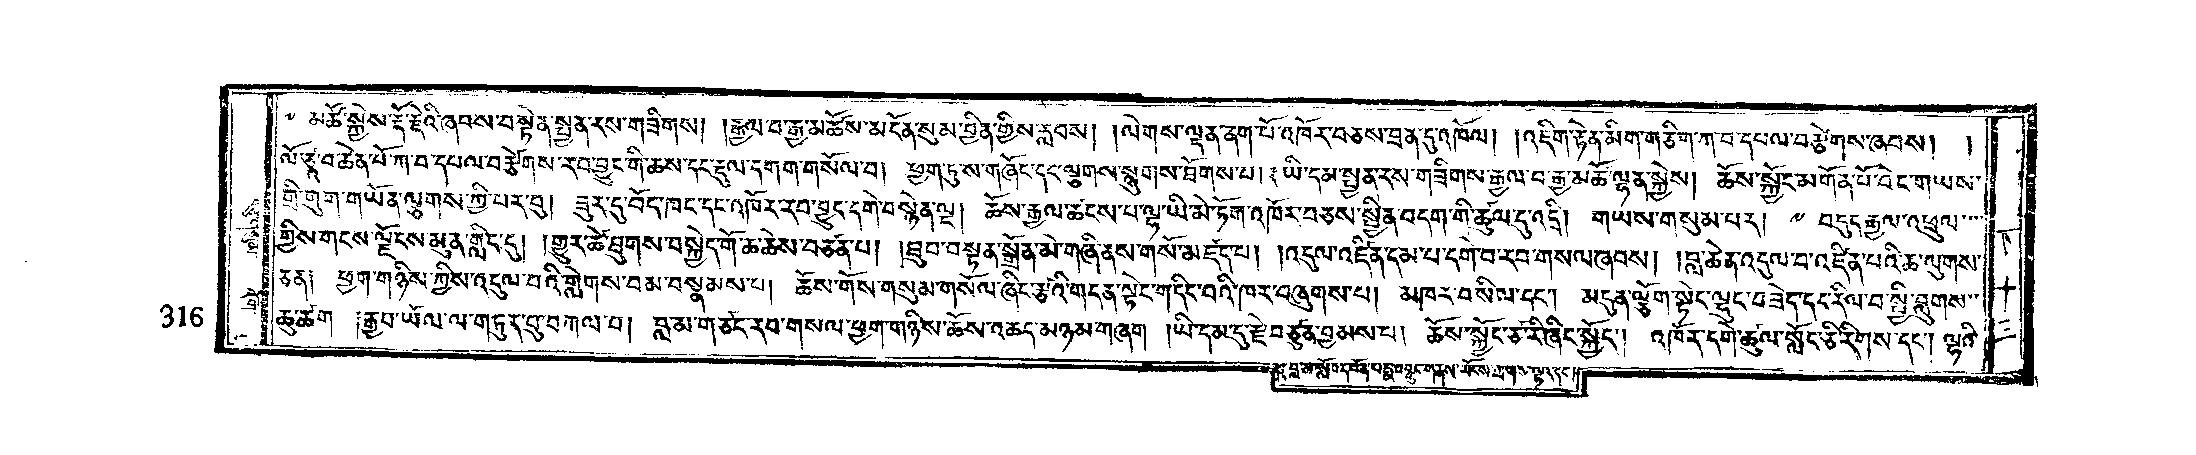༧་མཚོ་སྐྱེས་རྡོ་རྗེའི་ཞབས་བསྟེན་སྤྱན་རས་གཟིགས། །རྒྱལ་བ་རྒྱ་མཚོས་མངོན་སུམ་བྱིན་གྱིས་རླབས། །ལེགས་ལྡན་ནག་པོ་འཁོར་བཅས་བྲན་དུ་འཁོལ། །འཇིག་རྟེན་མིག་གཅིག་ཀ་བ་དཔལ་བརྩེགས་ཞབས། །
ལོ་ཙཱ་བ་ཆེན་པོ་ཀ་བ་དཔལ་བརྩེགས་རབ་བྱུང་གི་ཆས་དང་རྡུལ་དགག་གསོལ་བ། ཕྱག་ཏུ་ས་གཞོང་དང་ལྕགས་སྙུགས་ཐོགས་པ། །ཡི་དམ་སྤྱན་རས་གཟིགས་རྒྱལ་བ་རྒྱ་མཚོ་ལྷན་སྐྱེས། ཆོས་སྐྱོང་མགོན་པོ་བེང་གཡས་
གྲི་གུག་གཡོན་ལྕགས་ཀྱི་པར་བུ། ཟུར་དུ་བོད་ཁང་དང་འཁོར་རབ་བྱུང་དགེ་བསྙེན་ལྔ། ཆོས་རྒྱལ་ཚངས་པ་ལྷ་ཡི་མེ་ཏོག་འཁོར་བཅས་སྦྱིན་བདག་གི་ཚུལ་དུ་འདྲི། གཡས་གསུམ་པར། ༧་བདུད་རྒྱལ་འཕྲུལ་
གྱིས་གངས་ལྗོངས་མུན་གླིང་དུ། །གྱུར་ཚེ་ཐུགས་བསྐྱེད་གོ་ཆ་ཆེས་བཙན་པ། །ཐུབ་བསྟན་སྒྲོན་མེ་གཞི་ནས་གསོ་མཛད་པ། །འདུལ་འཛིན་དམ་པ་དགེ་བ་རབ་གསལ་ཞབས། །བླ་ཆེན་འདུལ་བ་འཛིན་པའི་ཆ་ལུགས་
ཅན། ཕྱག་གཉིས་ཀྱིས་འདུལ་བའི་གླེགས་བམ་བསྣམས་པ། ཆོས་གོས་གསུམ་གསོལ་ཞིང་རྩའི་གདན་སྟེང་གདིང་བའི་ཁར་བཞུགས་པ། མཁར་བསིལ་དང་། མདུན་ལྕོག་སྟེང་ལྷུང་བཟེད་དང་རིལ་བ་སྤྱི་བླུགས་
ཆུ་ཚག །རྒྱབ་ཡོལ་ལ་གཏུར་བུ་བཀལ་བ། བླ་མ་གཙང་རབ་གསལ་ཕྱག་གཉིས་ཆོས་འཆད་མཉམ་གཞག །ཡི་དམ་དུ་རྗེ་བཙུན་བྱམས་པ། ཆོས་སྐྱོང་ཙ་རི་ཞིང་སྐྱོད། འཁོར་དགེ་ཚུལ་སློང་ཅི་རིགས་དང་། ལྷའི་བླ་མ་སློབ་དཔོན་པདམ་འབྱུང་གནས་ཡོངས་ཐགས་ལྟར་དང་།